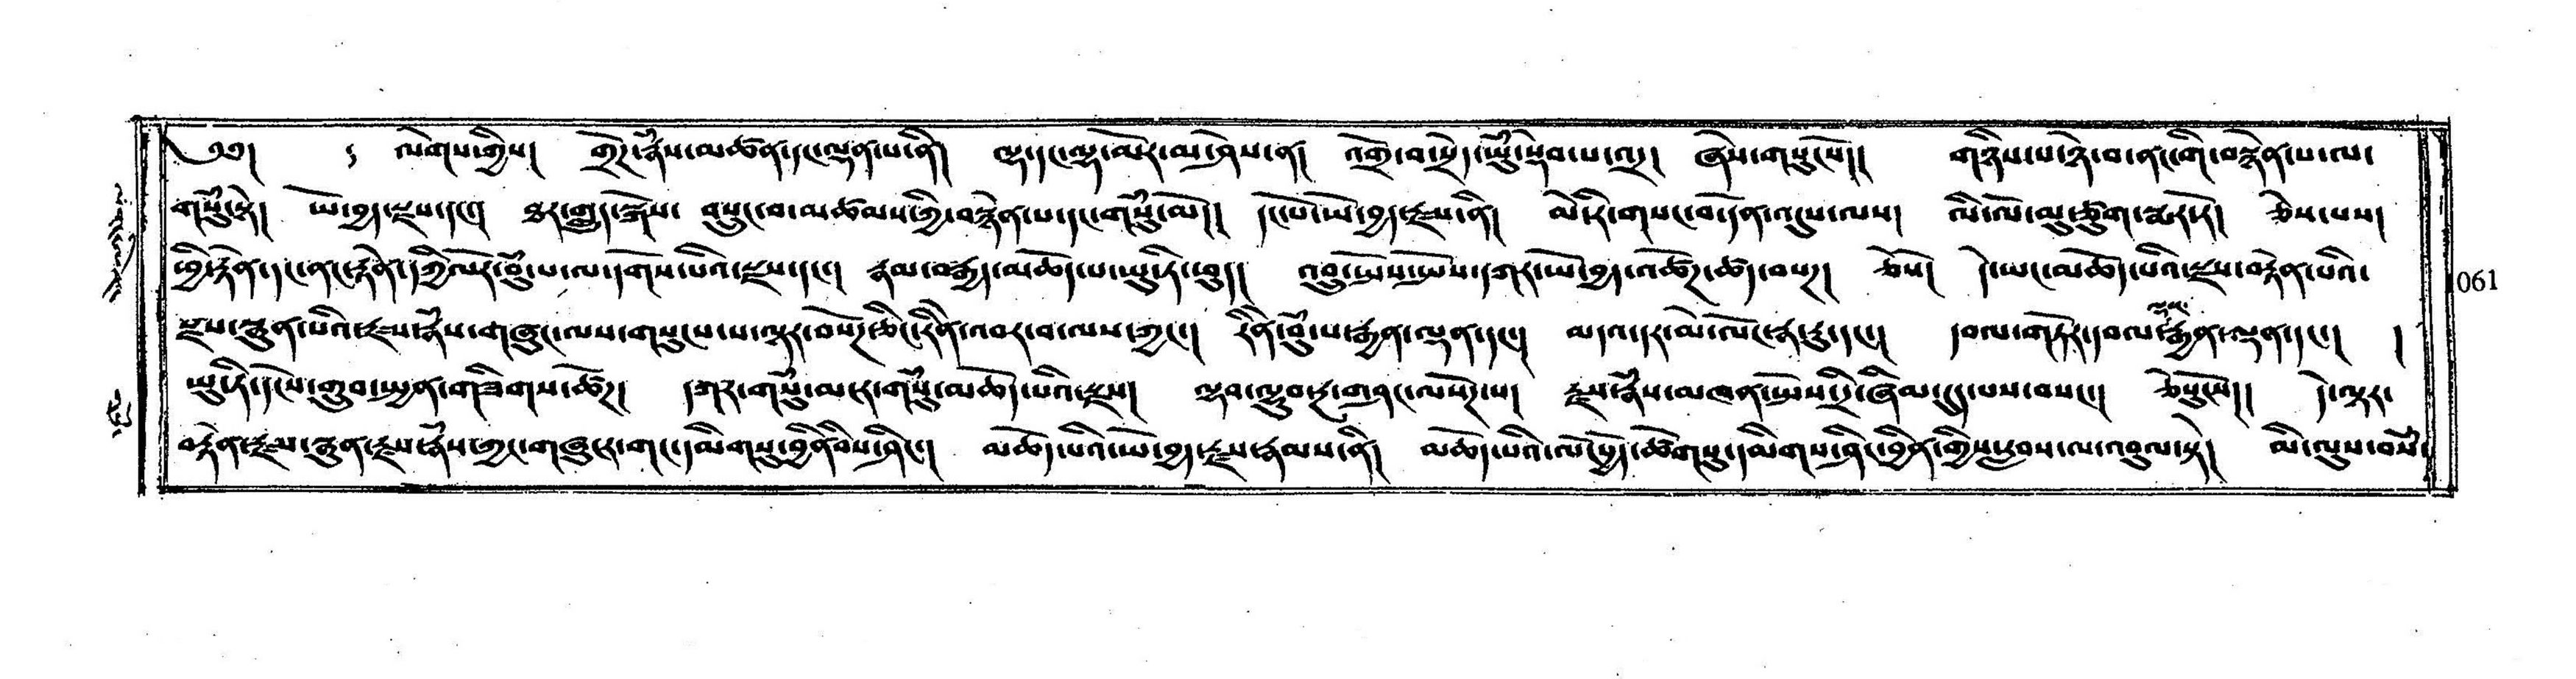ལེགས་ཀྱིས། གྲོགས་རྣམས་མཚན་དང་ལྡན་པ་ནི། ལྷ་དང་ལྷ་མོར་མ་ཤེས་ན། འགྲོ་བ་སྲེད་ཡུམ་སྡེབ་པ་འདྲ། ཞེས་གསུངས་སོ།། གཉིས་པ་ཉེ་བ་ནང་གི་བསྙེན་པ་ལ་
གསུམ་སྟེ། ཡོ་བྱད་རྫས་དང་། ཐར་གླུད་སྐོས་བསྲུང་བ་མཚམས་ཀྱི་བསྙེན་པ་དང་གསུམ་མོ།། དང་པོ་ཡོ་བྱད་རྫས་ནི། མེ་རི་གསང་བ་དོན་འདུས་ལས། མི་ལོ་མུ་ཙུག་སྨར་རོ། ཅེས་པས། 
ཕྱི་རྟེན་དང་ནང་རྟེན་དཀྱིལ་འཁོར་བུམ་པ་ལ་དགོས་པའི་རྫས་དང་། རྣམ་བརྒྱད་མཆོད་པ་ཡུ་ཏི་ཕུད། འབྲུ་སྤོས་སྤོས་དཀར་ཡོ་བྱད་འཚོགས་ཚད་བསྔགས། ཅེས་སོ། དེ་ཡང་མཆོད་པའི་རྫས་བརྟེན་པའི་
རྫས་སྣུན་པའི་རྫས་རྣམས་གཞུང་ལས་གསུངས་པ་ལྟར་གསོགས་ཅིང་རིན་ཆེན་འབར་བ་ལས་ཀྱང་། རིན་ཆེན་བུམ་པ་རྒྱན་ལྡན་དང་། མདའ་དར་མེ་ལོང་རྣ་རུ་དང་། དབལ་གཏོར་དབལ་ལྡན་རྒྱན་ལྡན་དང་། །
ཡུ་ཏི་དངོས་གྲུབ་སྤྱན་གཟིགས་ཚོགས། དཀར་གསུམ་མངར་གསུམ་མཆོད་པའི་རྫས། ལྷབ་ལྷུབ་རྔ་གཤང་ལ་སོགས་པ། རྫས་རྣམས་མཁན་སྤོས་དྲི་ཞིམ་དུད་པས་བསང་། ཅེས་གསུངས་སོ།། དེ་ལྟར་
བརྟེན་རྫས་སྣུན་རྫས་རྣམས་ཀྱང་གཞུང་ལྟར་གང་དམིགས་སུ་བྱིན་གྱིས་བརླབས་ཤིང་། མཆོད་པའི་ཡོ་བྱད་རྫས་རྣམས་ནི། མཆོད་པའི་ལོངས་སྤྱོད་ཚོགས་སུ་དམིགས་ཤིང་བྱིན་གྱིས་བརླབས་ལ་འབུལ་སྟེ། མི་ལུས་བསམ་